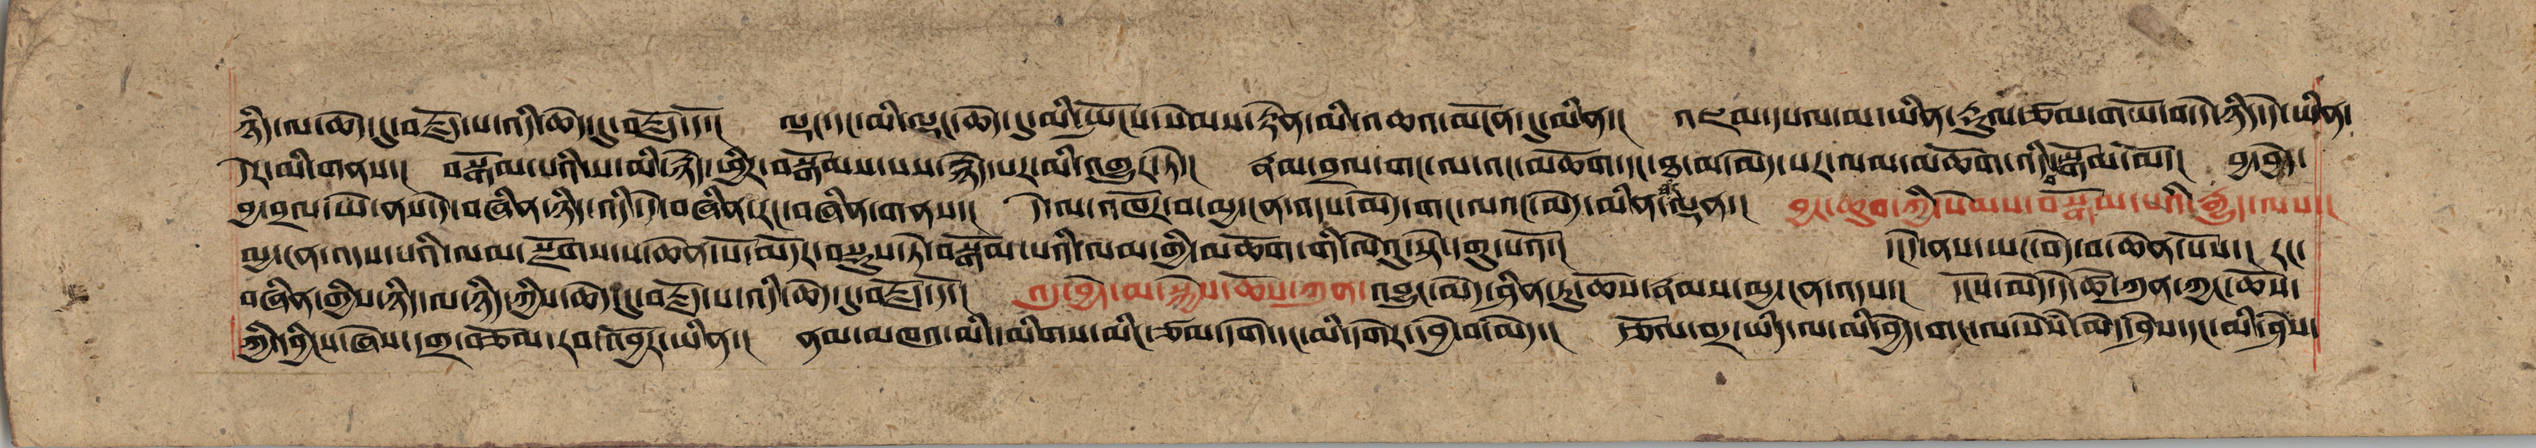ཉིད་ལ་ཆེད་དུ་བརྗོད་པ་འདི་ཆེད་དུ་བརྗོད་དོ་། ལྡང་དང་མི་ལྡང་ཆེད་དུ་མི་སྤོངས་སེམས་རྟེན་འཆའ་མངོན་དུ་མིན་། འཇལ་དཔལ་མ་ཡིན་རྡུལ་ཙམ་གཡོ་བ་དེ་ཉིད་དེ་ཡིན་
དེར་མི་གནས་། བསྒོམ་པའི་ས་མི་རྙེད་ཕྱིར་བསྒོམས་པས་རྙེད་པར་མི་འགྱུར་ཏེ་། རྣམ་བྲལ་གང་ལ་འང་མཆོག་དང་ཐ་མ་མེད་པར་ལམ་མཆོག་འདི་སྒོམ་མོ་། བྱ་བྱེད་
བྱ་བྲལ་ཡེ་ནས་དེ་བཞིན་ཉིད་འདི་དེ་བཞིན་རང་བཞིན་གནས་། དེ་ལ་འཁོར་བ་མྱ་ངན་འདས་མེད་གང་ལའང་མེད་མིན་ལྡན་། བྱང་ཆུབ་ཀྱི་སེམས་བསྒོམ་པའི་རྒྱུད་ལས་
མྱ་ངན་འདས་པའི་ལམ་སྫོགས་པ་ཆེན་པོ་མདོར་བསྡུས་ཏེ་བསྒོམ་པའི་ལམ་གྱི་མཆོག་གི་ལེའུ་སྟེ་དགུ་པའོ་། ་།དེ་ནས་ཡང་བདེ་བ་ཆཻན་པོས་། རང་
བཞིན་གྱིས་ཉིད་ལ་ཉིད་ཀྱིས་ཆེད་དུ་བརྗོད་པ་འདི་ཆེད་དུ་བརྗོད་དོ་། འདུ་བྱེད་མ་སྐྱེས་ཆོས་ཀུན་འབྱུང་མེད་ཤིན་ཏུ་ཆོས་རྣམས་མྱ་ངན་འདས་། དངོས་མེད་དེ་ཚོ་ཀུན་ཀྱང་ཆོས་
ཀྱི་དབྱིངས་ཞེས་དགྲ་བཅོམ་རབ་འབྱོར་ཡིན་། ནམ་མཁའ་མི་དམིགས་མིང་ཙམ་དགེ་དང་མི་དགེར་དབྱེ་བ་མེད་། རྩོལ་བར་ཡིད་ལ་མི་བྱེད་གང་ལ་སེཾས་མེད་ཤེས་དང་མི་ཤེས་